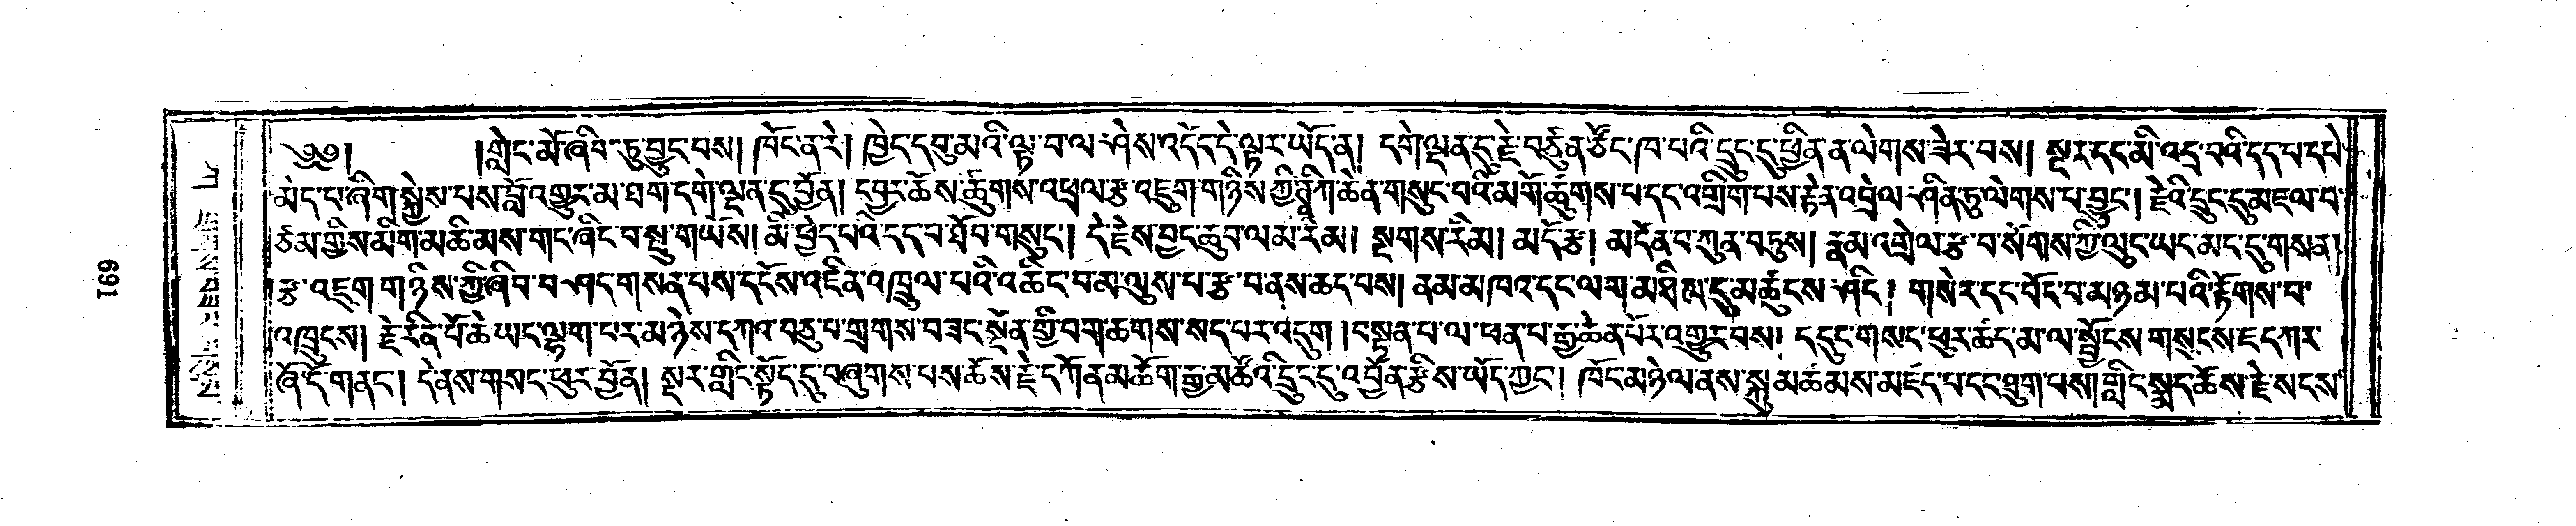༄༅། །གླེང་མོ་ཞིབ་ཏུ་བྱུང་བས། ཁོང་ན་རེ། ཁྱེད་དབུ་མའི་ལྟ་བ་ལ་ཤེས་འདོད་དེ་ལྟར་ཡོད་ན། དགེ་ལྡན་དུ་རྗེ་བཙུན་ཙོང་ཁ་པའི་དྲུང་དུ་ཕྱིན་ན་ལེགས་ཟེར་བས། སྔར་དང་མི་འདྲ་བའི་དད་པ་དཔེ་
མེད་པ་ཞིག་སྐྱེས་པས་བློ་འགྱུར་མ་ཐག་དགེ་ལྡན་དུ་བྱོན། དབྱར་ཆོས་ཚུགས་འཕྲལ་རྩ་འཇུག་གཉིས་ཀྱི་ཊཱིཀ་ཆེན་གསུང་བའི་མགོ་ཚུགས་པ་དང་འགྲིག་པས་རྟེན་འབྲེལ་ཤིན་ཏུ་ལེགས་པ་བྱུང་། རྗེའི་དྲུང་དུ་མཇལ་བ་
ཙམ་གྱིས་མིག་མཆི་མས་གང་ཞིང་བ་སྤུ་གཡོས། མི་ཕྱེད་པའི་དད་པ་ཐོབ་གསུང་། དེ་རྗེས་བྱང་ཆུབ་ལམ་རིམ། སྔགས་རིམ། མདོ་རྩ། མངོན་པ་ཀུན་བཏུས། རྣམ་འགྲེལ་རྩ་བ་སོགས་ཀྱི་ལུང་ཡང་མང་དུ་གསན།
རྩ་འཇུག་གཉིས་ཀྱི་ཞིབ་བཤད་གསན་པས་དངོས་འཛིན་འཁྲུལ་པའི་འཆིང་བ་མ་ལུས་པ་རྩ་བ་ནས་ཆད་པས། ནམ་མཁའ་དང་ལག་མཐིལ་དུ་མཚུངས་ཤིང་། གསེར་དང་བོར་བ་མཉམ་པའི་རྟོགས་པ་
འཁྲུངས། རྗེ་རིན་པོ་ཆེ་ཡང་ལྷག་པར་མཉེས་དཀའ་བཅུ་པ་གྲགས་བཟང་སྔོན་གྱི་བག་ཆགས་སད་པར་འདུག །བསྟན་པ་ལ་ཕན་པ་རྒྱ་ཆེན་པོར་འགྱུར་བས། ད་དུང་གསང་ཕུར་ཚད་མ་ལ་སྦྱོངས་གསུངས་ཇ་དཀར་
ཞོ་དོ་གནང་། དེ་ནས་གསང་ཕུར་བྱོན། སྔར་གླིང་སྟོད་དུ་བཞུགས་པས་ཆོས་རྗེ་དཀོན་མཆོག་རྒྱ་མཚོའི་དྲུང་དུ་འབྱོན་རྩིས་ཡོད་ཀྱང་། ཁོང་མཉེལ་ནས་སྐུ་མཚམས་མཛད་པ་དང་ཐུག་པས། གླིང་སྨད་ཆོས་རྗེ་སངས་